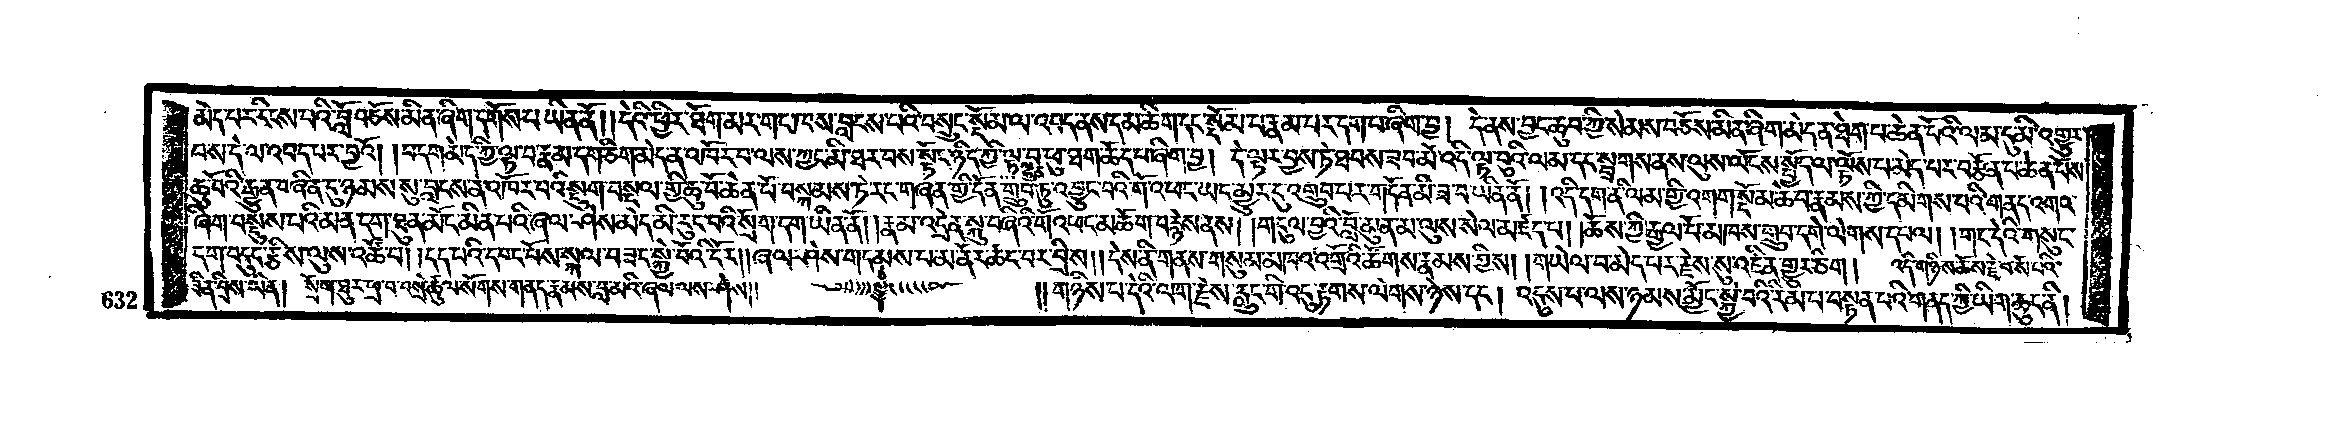མེད་པར་རིངས་པའི་བློ་བཅོས་མིན་ཞིག་དགོས་པ་ཡིན་ནོ། །དེའི་ཕྱིར་ཐོག་མར་གང་ཁས་བླངས་པའི་བསྲུང་སྡོམ་ལ་འབད་ནས་དམ་ཚིག་དང་སྡོམ་པ་རྣམ་པར་དག་པ་ཞིག་བྱ། དེ་ནས་བྱང་ཆུབ་ཀྱི་སེམས་བཅོས་མིན་ཞིག་མེད་ན་ཐེག་པ་ཆེན་པོའི་ལམ་དུ་མི་འགྱུར་
བས་དེ་ལ་འབད་པར་བྱའོ། །བདག་མེད་ཀྱི་ལྟ་བ་རྣམ་དག་ཅིག་མེད་ན་འཁོར་བ་ལས་ཀྱང་མི་ཐར་བས་སྟོང་ཉིད་ཀྱི་ལྟ་ལྟུན་བ་ཕུ་ཐག་ཆོད་པ་ཞིག་བྱ། དེ་ལྟར་བྱས་ཏེ་ཐབས་ཟབ་མོ་འདི་ལྟ་བུའི་ལམ་དང་སྦྲགས་ནས་ལུས་ལོངས་སྤྱོད་ལ་ལྟོས་པ་མེད་པར་བརྩོན་པ་ཆེན་པོས་
ཆུ་བའི་རྒྱུན་བཞིན་དུ་ཉམས་སུ་བླངས་ན་འཁོར་བའི་སྡུག་བསྔལ་གྱི་ཆུ་བོ་ཆེན་པོ་བསྐམས་ཏེ་རང་གཞན་གྱི་དོན་གྲུབ་ཏུ་འབྱུང་བའི་གོ་འཕང་ཡང་མྱུར་དུ་འགྲུབ་པར་གདོན་མི་ཟ་བ་ཡིན་ནོ། །འདི་དག་ནི་ལམ་གྱི་འགག་སྡོམ་ཆེ་བ་རྣམས་ཀྱི་དམིགས་པའི་གནད་འགའ་
ཞིག་བསྡུས་པའི་མན་ངག་ཐུན་མོང་མིན་པའི་ཞལ་ཤེས་མེད་མི་རུང་བའི་སྲོག་དག་ཡིན་ནོ། །རྣམ་འདྲེན་སྐུ་བཞིའི་གོ་འཕང་མཆོག་བརྙེས་ནས། །གདུལ་བྱའི་བློ་མུན་མ་ལུས་སེལ་མཛད་པ། །ཆོས་ཀྱི་རྒྱལ་པོ་མཁས་གྲུབ་དགེ་ལེགས་དཔལ། །གང་དེའི་གསུང་
དག་བདུད་རྩིས་ལུས་འཚོ་བ། །དད་པའི་དབང་པོས་སྐལ་བཟང་སྐྱེ་བོའི་ངོར། །ཞལ་ཤེས་གདམས་པ་མ་ནོར་ཚང་བར་བྲིས། །དེས་ནི་གནས་གསུམ་མཁའ་འགྲོའི་ཚོགས་རྣམས་ཀྱིས། །གཡེལ་བ་མེད་པར་རྗེས་སུ་འཛིན་གྱུར་ཅིག། འདི་གཉིས་ཆོས་རྗེ་བ་སོ་བའི་
ཟིན་བྲིས་ཡིན། སྲོག་ཐུར་ཕྲ་བ་བསྲེ་ཚུལ་སོགས་གནད་རྣམས་བླ་མའི་ཞལ་ལས་ཤེས།། ༈ །།གཉིས་པ་དེའི་ལག་རྗེས་རླུང་གི་འདུ་རྟགས་ལེགས་ཉེས་དང་། འདུས་པ་ལས་ཉམས་མྱོང་སྐྱེ་བའི་རིམ་པ་བསྟན་པའི་གནད་ཀྱི་ཡིག་ཆུང་ནི།